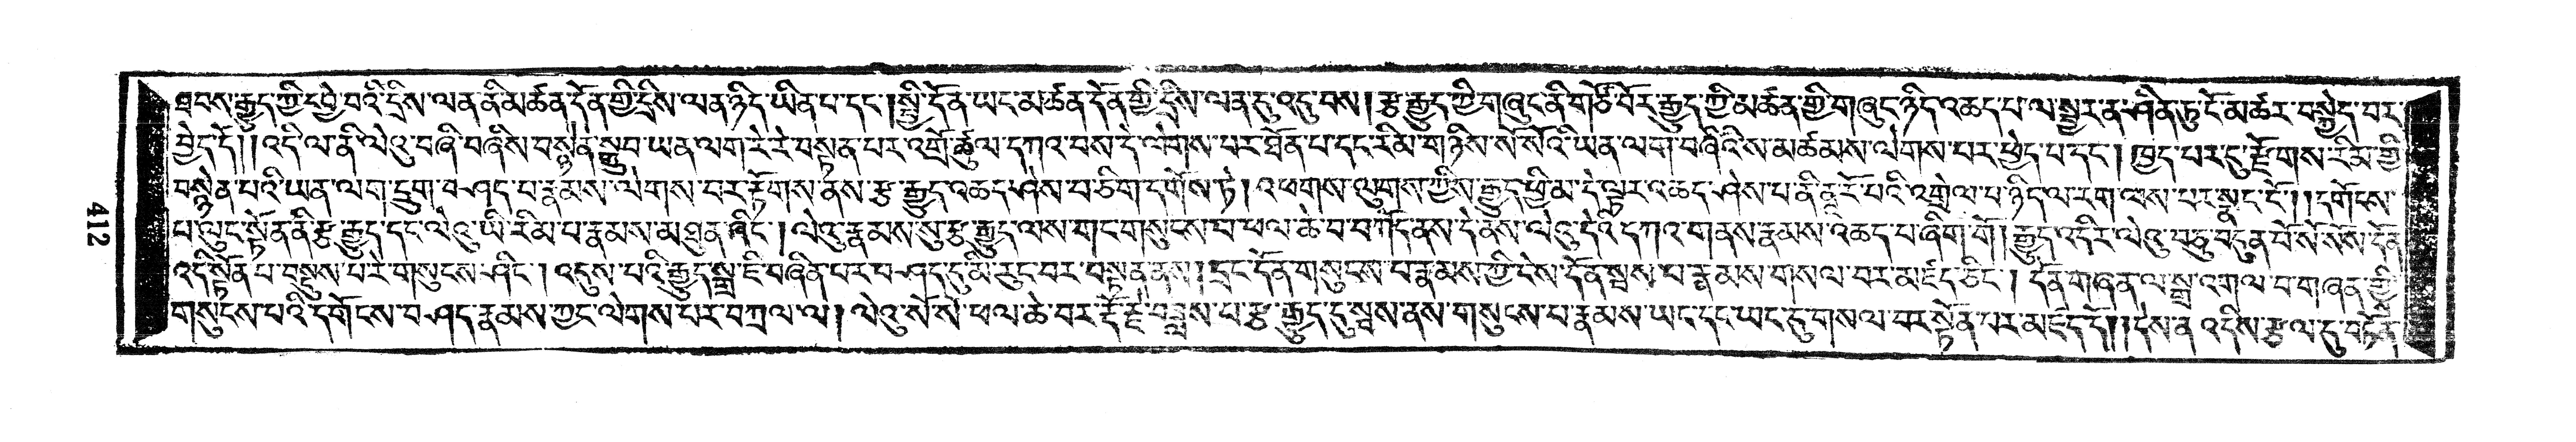ཐབས་རྒྱུད་ཀྱི་དབྱེ་བའི་དྲིས་ལན་ནི་མཚན་དོན་གྱི་དྲིས་ལན་ཉིད་ཡིན་པ་དང་། སྤྱི་དོན་ཡང་མཚན་དོན་གྱི་དྲིས་ལན་དུ་འདུ་བས། རྩ་རྒྱུད་ཀྱི་གཞུང་ནི་གཙོ་བོར་རྒྱུད་ཀྱི་མཚན་གྱི་གཞུང་ཉིད་འཆད་པ་ལ་སྦྱར་ན་ཤིན་ཏུ་ངོ་མཚར་བསྐྱེད་པར་
བྱེད་དོ། །འདི་ལ་ནི་ལེའུ་བཞི་བཞིས་བསྙེན་སྒྲུབ་ཡན་ལག་རེ་རེ་བསྟན་པར་འགྲོ་ཚུལ་དཀའ་བས་དེ་ལེགས་པར་ཐོན་པ་དང་རིམ་གཉིས་སོ་སོའི་ཡན་ལག་བཞིའི་ས་མཚམས་ལེགས་པར་ཕྱེད་པ་དང་། ཁྱད་པར་དུ་རྫོགས་རིམ་གྱི་
བསྙེན་པའི་ཡན་ལག་དྲུག་བཤད་པ་རྣམས་ལེགས་པར་རྟོགས་ནས་རྩ་རྒྱུད་འཆད་ཤེས་པ་ཅིག་དགོས་ཏེ། འཕགས་ལུགས་ཀྱིས་རྒྱུད་ཕྱི་མ་དེ་ལྟར་འཆད་ཤེས་པ་ནི་ནཱ་རོ་པའི་འགྲེལ་པ་ཉིད་ལ་རག་ལས་པར་སྣང་ངོ། །དགོངས་
པ་ལུང་སྟོན་ནི་རྩ་རྒྱུད་དང་ལེའུ་ཡི་རིམ་པ་རྣམས་མཐུན་ཞིང་། ལེའུ་རྣམས་སུ་རྩ་རྒྱུད་ལས་གང་གསུངས་པ་ཕལ་ཆེ་བ་བཀོད་ནས་དེ་ནས་ལེའུ་དེའི་དཀའ་གནས་རྣམས་འཆད་པ་ཞིག་གོ །རྒྱུད་འདིར་ལེའུ་བཅུ་བདུན་པོ་སོ་སོས་དོན་
འདི་སྟོན་པ་བསྡུས་པ་རེ་གསུངས་ཤིང་། འདུས་པའི་རྒྱུད་སྒྲ་ཇི་བཞིན་པར་བཤད་དུ་མི་རུང་བར་བསྟན་ནས། དྲང་དོན་གསུངས་པ་རྣམས་ཀྱི་ངེས་དོན་སྦས་པ་རྣམས་གསལ་བར་མཛད་ཅིང་། དོན་གཞན་ལ་སྒྲ་འགལ་བ་གཞན་གྱིས་
གསུངས་པའི་དགོངས་བཤད་རྣམས་ཀྱང་ལེགས་པར་བཀྲལ་ལ། ལེའུ་སོ་སོ་ཕལ་ཆེ་བར་རྡོ་རྗེ་བཟླས་པ་རྩ་རྒྱུད་དུ་སྦས་ནས་གསུངས་པ་རྣམས་ཡང་དང་ཡང་དུ་གསལ་བར་སྟོན་པར་མཛད་དོ། །དེས་ན་འདིས་རྩལ་དུ་བཏོན་